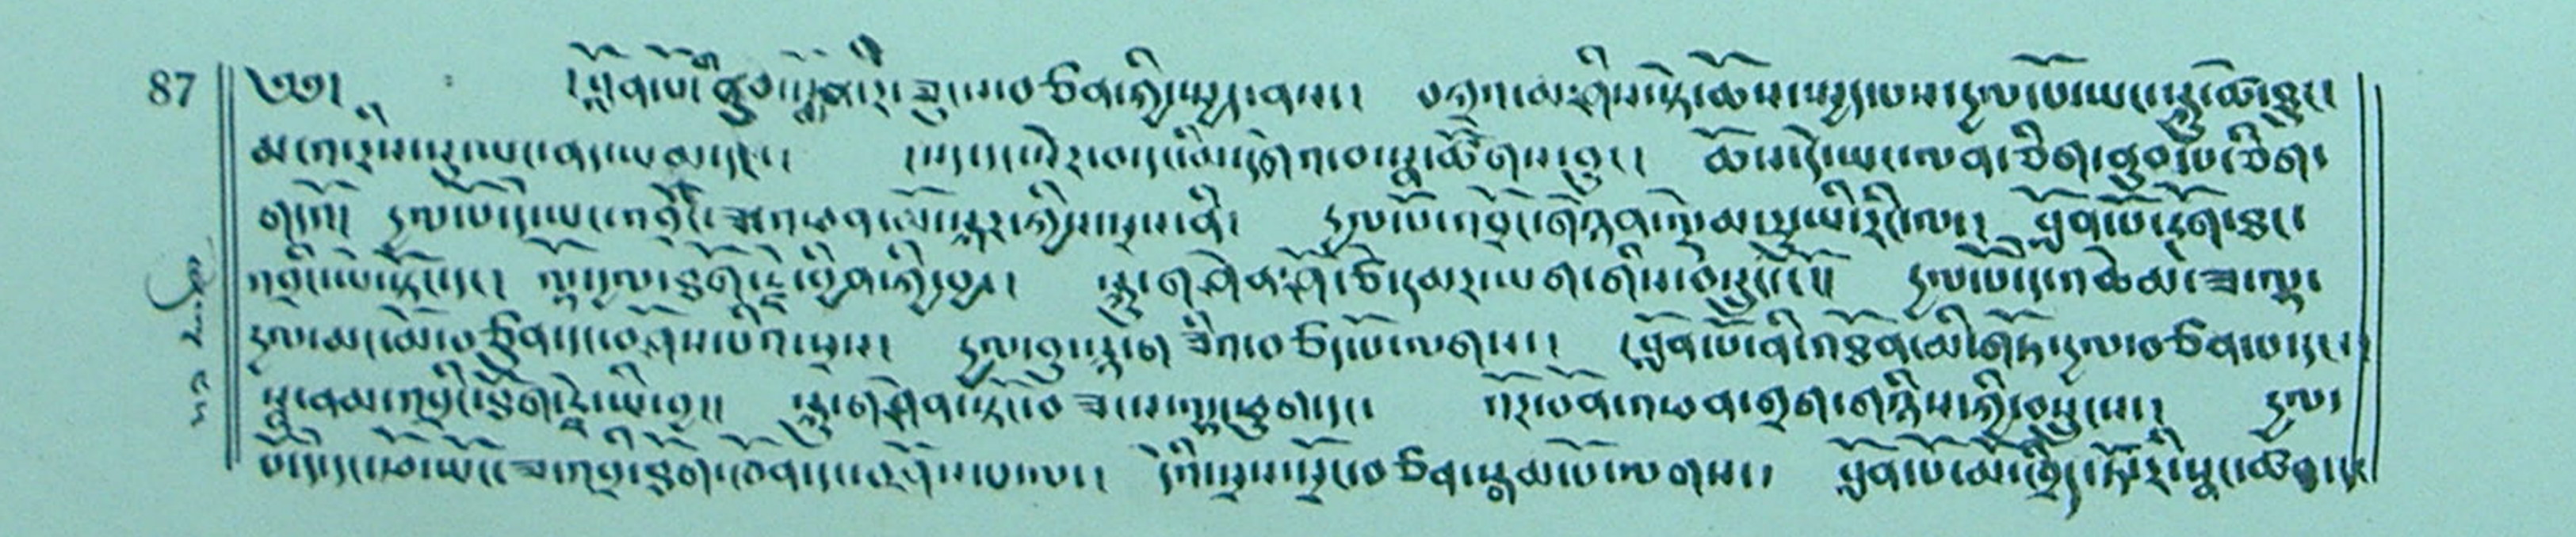༄༅། །བློན་པོ་ནུབ་སྨོན་རི་ཟུངས་བཙན་གྱི་སྤྱད་ནས། བཀྲའ་མ་ཤིས་ཏེ་ཆོས་སྤྱད་པས་རྒྱལ་བོ་སྐུ་ཚེ་ཐུང་། 
མངའ་རིས་སུ་ཡང་ནད་ཡམས་དང་། སད་དང་སེར་བ་དང་མི་དགེ་བ་སྣ་ཚོགས་བྱུང་། ཆོས་དེ་ཡང་ལན་ཅིག་ནུབ་པ་གཅིག་
གདའོ །རྒྱལ་བོ་དེ་དང་འབྲོང་ཟ་འཕན་མོ་སྐར་གྱི་སྲས་ནི། རྒྱལ་བོ་འབྲོང་གཉེན་ལྡེམ་རུ་ཡི་རིང་ལ། བློན་པོ་རྔོག་ཐང་
འབྲིང་ཡེ་སྟོང་དང་། ལྷོ་རྒྱལ་ཐོག་རྗེ་བྱིན་གྱིས་བྱས། སྐུ་གཤེན་ཤོད་ཙེ་དམར་ཡག་གིས་བསྲུངས་ངོ་། རྒྱལ་བོ་དེ་འཆེམ་ཟ་ལྷ་
རྒྱལ་མང་མོ་བཙུན་དང་བཤོས་པའི་སྲས། རྒྱལ་བུ་སྙ་གཟིའ་བཙད་པོ་ལགས། བློན་པོ་ནི་ཐོན་མི་གཏོ་རྒྱལ་བཙན་པ་དང་། 
སྣ་ནམ་འབྲིང་ཐོག་རྗེ་ཡིས་བྱ། སྐུ་གཤེན་སྟོང་བཟང་ལྷ་ཕུག་དང་། འོར་བོན་འཕན་གྲག་གཉིས་ཀྱིས་བསྲུངས། རྒྱལ་
པོ་དེ་དང་ཕོ་ཡོངས་ཟ་འབྲི་ཐོག་ཁོན་དང་བཤོས་པ་ལ། དེའི་སྲས་སྲོང་བཙན་སྒམ་པོ་ལགས། བློན་པོ་མོ་ཁྲིད་ཏོ་རི་སྣང་ཚན་དང་།